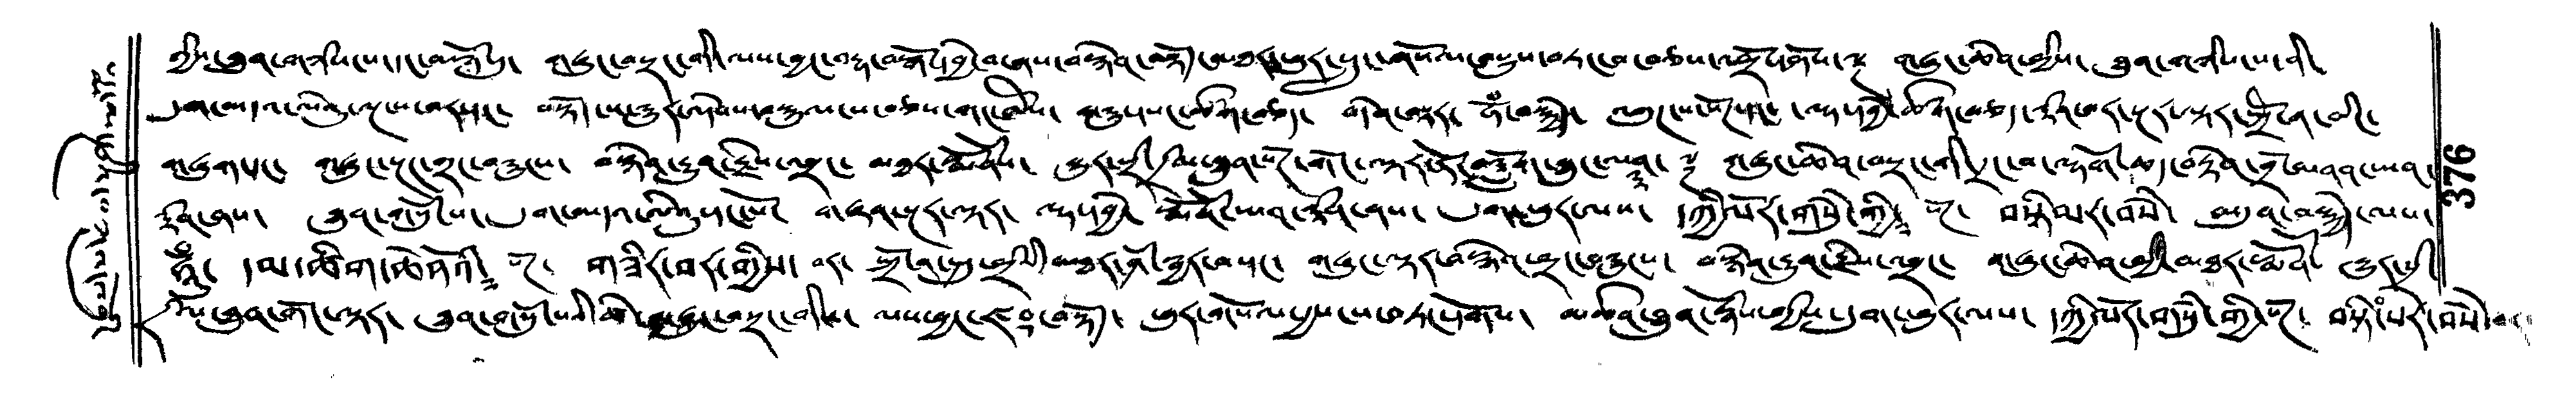གྱིས་ཐུན་གཉིས་པ་དང་མཉམ་དུ། གཞུང་བསྲང་གིས་ལས་བྱང་བརྡ་སྒོ་དབྱེ་བ་ནས་བསྙེན་བསྟོད་མཐར་ཕུར་སྲུང་གསོལ་བསྡུས་གཏོང་བ་བཅས་འགྲོ་དགོས། ༈ གཞུང་ཆེན་གྱིས། ཐུན་གཉིས་པ་ནི། 
དུག་མདའ་ལེའུ་ལྔ་པ་བར་དང་། བསྟོད་པ་ཟུར་འདེབས་བསྐུལ་པ་བཅས་གང་མོས། གཟུ་དཔང་ཚིགས་བཅད། བདེན་བདར། ཧོམ་བསྐྱེད། འགུགས་པ་སོགས་དང་། ལྷ་དབྱེ་ཚིགས་བཅད་ཟིན་བར་སྔར་ལྟར་སྤྲོ་ན་མིང་
གཞུག་དང་། གཞུང་སྔགས་གྲངས་བཟུང་། བསྙེན་རྒྱུན་རྗེས་འབྲང་། མཐར་སྨོན་ལམ། བྱུར་སྲི་དྲིལ་ཐུན་སོགས་གོང་ལྟར་ར་རམ་བཟློག་ཐུང་ལན་གསུམ། ༈ གཞུང་ཆེན་བསྲང་གིས། དྲང་བ་ལྷག་མ་ཆད་བརྟན་བྲོ་མནན་ཡན་
ཟིན་ནས། ཐུན་གསུམ་པ། དུག་མདའ་ལེའུ་དང་པོ། གཞན་སྔར་ལྟར། ལྷ་དབྱེ། སྨོན་ལམ་ཡན་ཟིན་ནས། དུག་ཕུར་ལས། དཀྱིལ་འཁོར་གསུམ་གྱི༴ སོགས། བསྟིམ་བསམ། མདུན་བསྐྱེད་ལས། 
ཧཱུྃ༔ དམ་ཚིག་ཆེན་པོའི༴ སོགས། གཟིར་བར་གྱིས༔ བར། སྤྲོ་ན་སྤུ་གྲིའི་མཐར་གཤམ་སྦྱར་བ་དང་། གཞུང་ལྟར་བསྙེན་གྲངས་བཟུང་། བསྙེན་རྒྱུན་རྗེས་འབྲང་། གཞུང་ཆེན་གྱི་མཐར་སྨོན་ལམ། བྱུར་སྲི་
དྲིལ་ཐུན་གོང་ལྟར། ཐུན་གསུམ་པའི་ཚེ་གཞུང་བསྲང་གིས། ལས་བྱང་འཛབ་བསྟོད། ཕུར་གསོལ་རྒྱས་པ་བཏང་དགོས། མཚན་ཐུན་རྣམས་ཀྱིས་དུག་ཕུར་ལས། དཀྱིལ་འཁོར་གསུམ་གྱི༴ སོགས། བསྟིམ་པར་བསམ་བར།